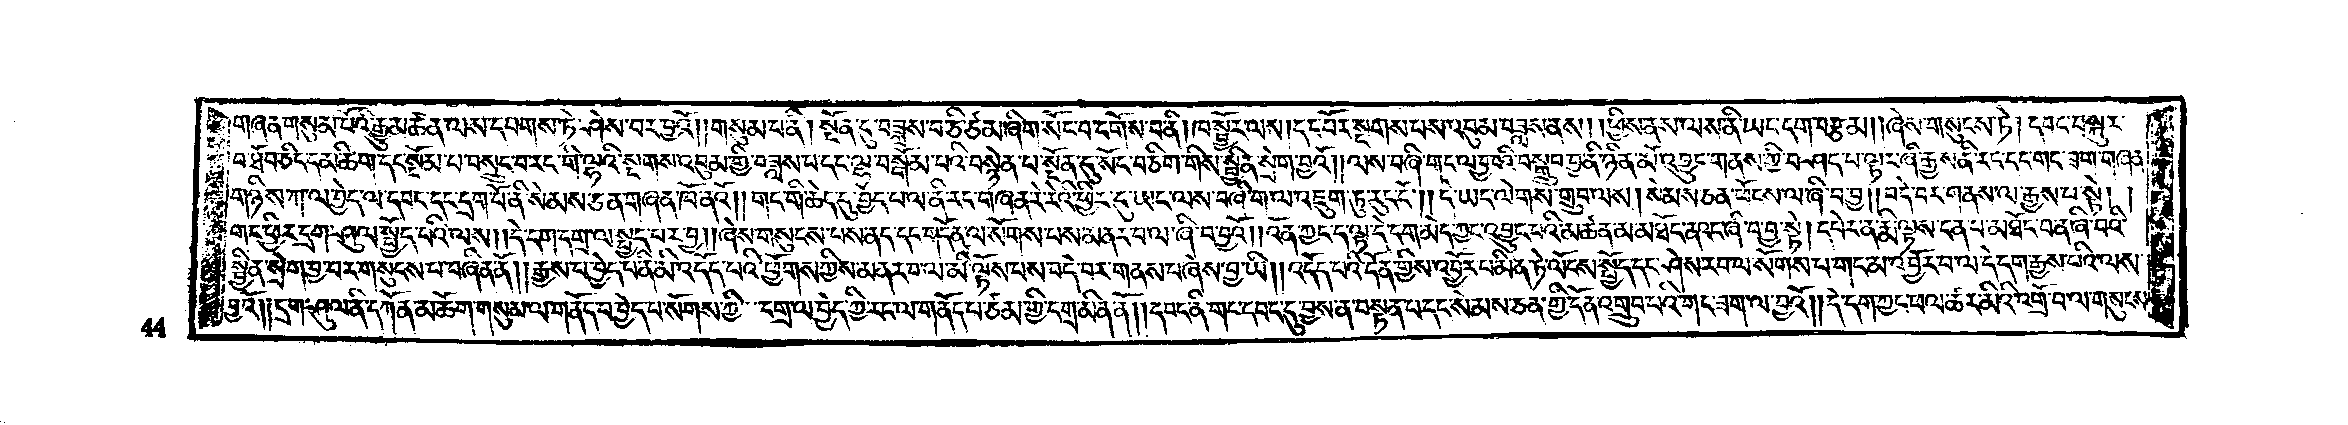གཞན་གསུམ་པོའི་རྒྱུ་མཚན་ལས་དཔགས་ཏེ་ཤེས་བར་བྱའོ། །གསུམ་པ་ནི། སྔོན་དུ་བཟླས་བ་ཅི་ཙམ་ཞིག་སོང་བ་དགོས་པ་ནི། ཁ་སྦྱོར་ལས། དང་པོར་སྔགས་པས་འབུམ་བཟླས་ནས། །ཕྱིས་ནས་ལས་ནི་ཡང་དག་བརྩམ། །ཞེས་གསུངས་ཏེ། དབང་བསྐུར་
བ་ཐོབ་ཅིང་དམ་ཚིག་དང་སྡོམ་པ་བསྲུང་བ་རང་གི་ལྷའི་སྔགས་འབུམ་གྱི་བཟླས་པ་དང་ལྷ་བསྒོམ་པའི་བསྙེན་པ་སྔོན་དུ་སོང་བ་ཅིག་གིས་སྦྱིན་སྲེག་བྱའོ། །ལས་བཞི་གང་ལ་བྱ་བའི་བསྒྲུབ་བྱ་ནི་ཉིན་མོ་འབྱུང་གནས་ཀྱི་བཤད་པ་ལྟར་ཞི་རྒྱས་ནི་རང་དང་གང་ཟག་གཞན་
གཉིས་ཀ་ལ་བྱེད་ལ་དབང་དང་དྲག་པོ་ནི་སེམས་ཅན་གཞན་ཁོ་ནའོ། །གང་གི་ཆེད་དུ་བྱེད་པ་ལ་ནི་རང་གཞན་རེ་རེའི་ཕྱིར་དུ་ཡང་ལས་བཞི་ག་ལ་འཇུག་ཏུ་རུང་ངོ། །དེ་ཡང་ལེགས་གྲུབ་ལས། སེམས་ཅན་ཕོངས་ལ་ཞི་བ་བྱ། །བདེ་བར་གནས་ལ་རྒྱས་པ་སྟེ། །
གང་ཕྱིར་དྲག་ཤུལ་སྤྱོད་པའི་ལས། །དེ་དག་དགྲ་ལ་སྤྱད་པར་བྱ། །ཞེས་གསུངས་པས་ནད་དང་གདོན་ལ་སོགས་པས་མནར་བ་ལ་ཞི་བ་བྱའོ། །འོན་ཀྱང་ད་ལྟ་དེ་དག་མེད་ཀྱང་འབྱུང་པའི་མཚན་མ་མཐོང་ནའང་ཞི་བ་བྱ་སྟེ། དཔེར་ན་རྨི་ལྟས་ངན་པ་མཐོང་བ་ན་ཞི་བའི་
སྦྱིན་སྲེག་བྱ་བར་གསུངས་པ་བཞིན་ནོ། །རྒྱས་པ་བྱེད་པ་ནི་མི་འདོད་པའི་ཕྱོགས་ཀྱིས་མནར་བ་ལ་མི་ལྟོས་པས་བདེ་བར་གནས་པ་ཞེས་བྱ་ཡི། །འདོད་པའི་དོན་གྱིས་འབྱོར་བ་མིན་ཏེ་ལོངས་སྤྱོད་དང་ཤེས་རབ་ལ་སོགས་པ་གང་མ་འབྱོར་བ་ལ་དེ་དག་རྒྱས་པའི་ལས་
བྱའོ། །དྲག་ཤུལ་ནི་དཀོན་མཆོག་གསུམ་ལ་གནོད་པ་བྱེད་པ་སོགས་ཀྱི་དགྲ་ལ་བྱེད་ཀྱི་རང་ལ་གནོད་པ་ཙམ་གྱི་དགྲ་མིན་ནོ། །དབང་ནི་གང་དབང་དུ་བྱས་ན་བསྟན་པ་དང་སེམས་ཅན་གྱི་དོན་འགྲུབ་པའི་གང་ཟག་ལ་བྱའོ། །དེ་དག་ཀྱང་ཕལ་ཚར་མིའི་འགྲོ་བ་ལ་གསུངས་